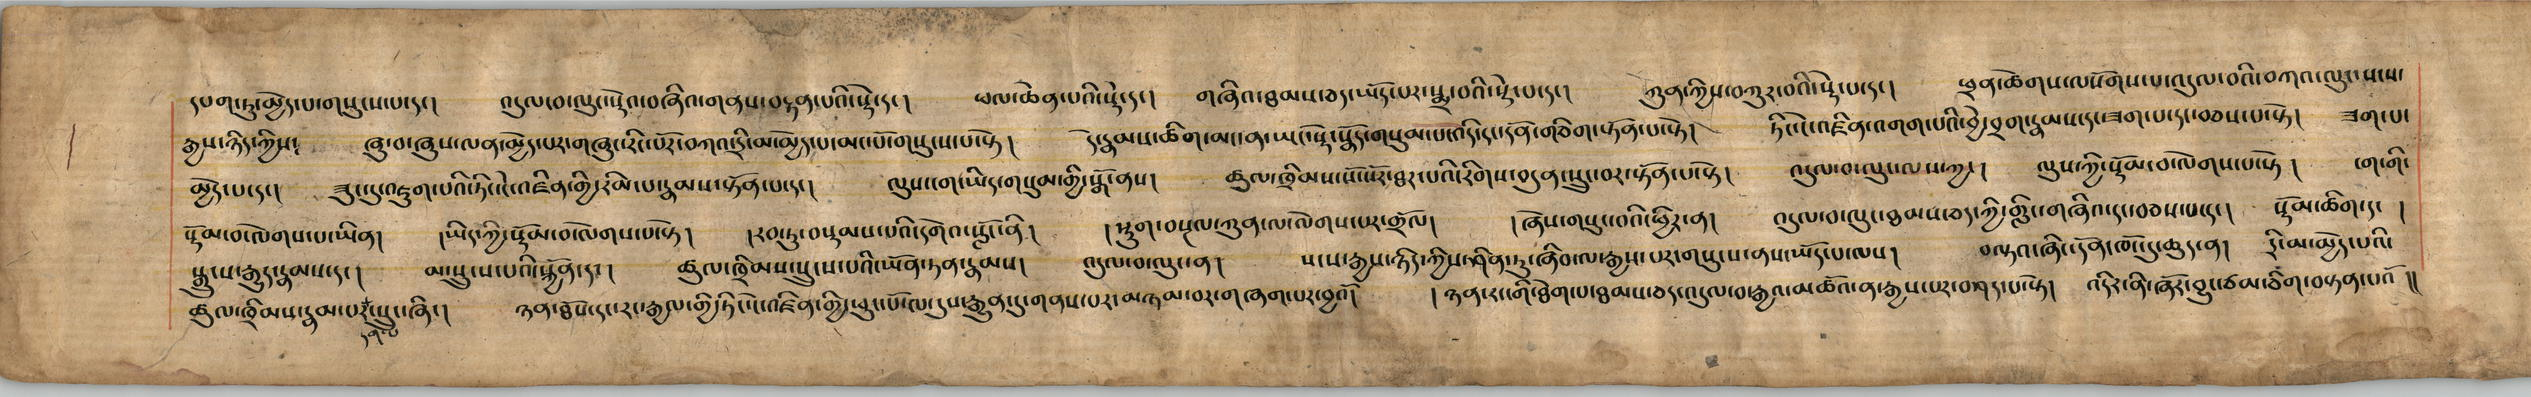དཔག་ཏུ་མྱེད་པ་གསུངས་པ་དང། འདུལ་བ་ལུང་སྡེའ་བཞིའ་གནས་བརྟན་པའི་སྡེ་དང། ཕལ་ཆེན་པའི་སྡེ་དང། གཞིའ་ཐམས་ཅད་ཡོད་པར་སྨྲ་བའི་སྡེ་པ་དང། ཀུན་ཀྱིས་བཀུར་བའི་སྡེ་པ་དང། ཕྲན་ཚེགས་ལསོགས་པ་འདུལ་བའི་བཀའ་ལུང་སངས་
རྒྱས་ཉིད་ཀྱིས་ ཞུ་བ་ཞཱུས་ལན་མྱེད་པར་གཞུང་རིང་པོར་བཀའ་དྲི་མ་མྱེད་པ་མང་པོ་གསུངས་པ་སྟེ། དེ་རྣམས་ཚིག་མང་ན་ཡང་སྡེ་སྣོད་གསུམ་པ་འདི་དང་དོན་གཅིག་སྟོན་པ་སྟེ། ཏིང་ངེ་འཛིན་འགག་པའི་བྱེ་བྲག་རྣམས་དང་ཟག་པ་དང་བཅས་པ་སྟེ། ཟག་པ་
མྱེད་པ་དང། ཟུང་དུ་འཇུག་པའི་ཏིང་ངེ་འཛིན་གྱི་རིམ་པ་རྣམས་སྟོན་པ་དང། ལུས་ངག་ཡིད་གསུམ་གྱི་སྒོ་ནས། ཚུལ་ཁྲིམས་སོ་སོར་ཐར་པའི་རིགས་བདུན་སྲུང་བར་སྟོན་པ་སྟེ། འདུལ་བ་ལུང་ལས་ཀྱང། ལུས་ཀྱི་སྡོམ་བ་ལེགས་པ་སྟེ ། ངག་གི་
སྡོམ་བ་ལེགས་པ་ཡིན། །ཡིད་ཀྱི་སྡོམ་བ་ལེགས་པ་སྟེ། །རབ་ཏུ་བསྡམས་པའི་དགེའ་སློང་ནི། །སྡུག་བསྔལ་ཀུན་ལ་ལེགས་པར་གྲོལ། །ཞེས་གསུང་བའི་ཕྱིར་ན། འདུལ་བ་ལུང་ཐམས་ཅད་ཀྱི་གླིང་གཞིའ་དང་བབས་པ་དང། སྡོམ་ཚིག་དང །
སྒྲུ་ས་རྒྱུད་རྣམས་དང། མ་སྲུངས་པའི་སྐྱོན་དང། ཚུལ་ཁྲིམས་སྲུངས་པའི་ཡོན་ཏན་རྣམས། འདུལ་བ་ལུང་ན། སངས་རྒྱས་ཉིད་ཀྱིས་ཤིན་ཏུ་ཞིབ་ལ་རྒྱས་པར་གསུངས་ནས་ཡོད་པ་ལས། བལྟའ་ཞིང་དོན་ཁོང་དུ་ཆུད་ན། དྲི་མ་མྱེད་པའི་
ཚུལ་ཁྲིམས་རྣམ་པར་དག་པ་སྲུང་ཞིང། ཉན་ཐོས་དང་རང་རྒྱལ་གྱི་ཏིང་ངེ་འཛིན་གྱི་ཕུང་པོ་ལ་དུས་རྒྱུན་དུ་གནས་པར་མཉམ་པར་གཞག་པར་བྱའོ་། ། ཉན་རང་གི་ཐེག་པ་ཐམས་ཅད་འདུལ་བ་རྒྱའ་མཚོའ་ན་རྒྱས་པར་བཤད་པ་སྟེ། འདིར་ནི་ཞར་བྱུང་ཙམ་ཅིག་བསྟན་པའོ །།